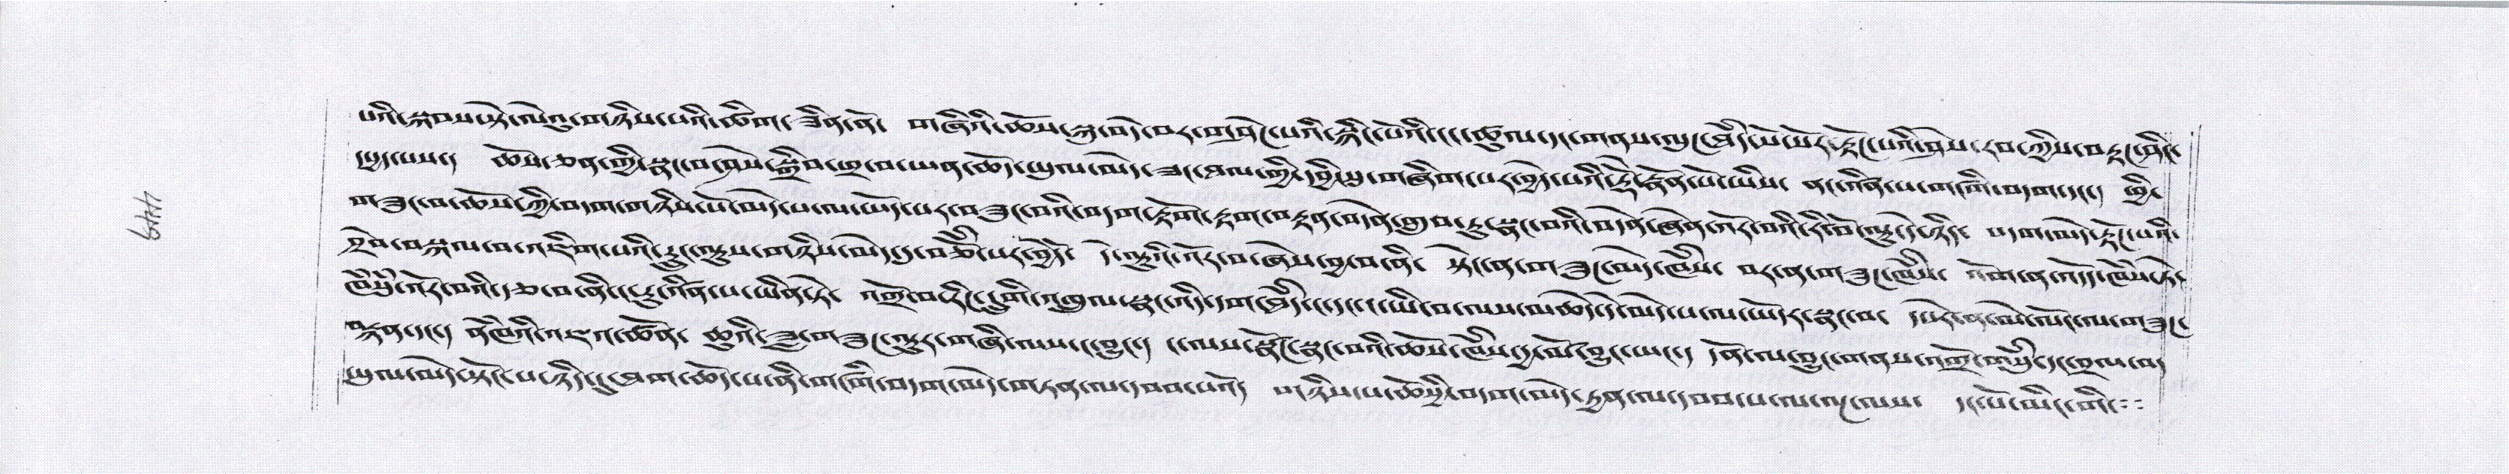པའི་སྐབས་ཏེ་ལེའུ་གཉིས་པའི་ཚིག་ཟིན་ནོ། གཞིའི་ཆོས་སྐུ་བདེ་བར་གཤེགས་པའི་སྙིང་པོའི་ངང་ཚུལ་དང་གནས་ལུགས་ཐམས་ཅད་སོ་སོར་རྟོགས་པའི་ཤེས་རབ་ཀྱིས་བརྟགས་ཤིང་
དཔྱད་པས། ཆོས་ཅན་གྱི་སྣང་བ་ཤེས་སྒྲིབ་ཕྲ་བ་ཡན་ཆོད་ཡུལ་མེད་ཟང་ཐལ་གྱི་དབྱིངས་སུ་གཞིག་པར་བྱེད་པའི་རྡོ་རྗེ་རྣོན་པོ་ཡིས། ནང་འཛིན་པ་གང་ཟག་གི་བདག་དང་། ཕྱི་
གཟུང་བ་ཆོས་ཀྱི་བདག་གཉིས་པོ་མེད་པ་ལ་ཡོད་པར་བཟུང་བའི་བདག་རྟོག་རྟག་བརྟན་བདེན་གྲུབ་ཏུ་སྣང་བའི་བདེན་ཞེན་འཁོར་བའི་རི་བོ་ལྟ་བུ་དེ་ཉིད། བདག་མེད་རྟོགས་པའི་
ཤེས་རབ་བསྐལ་པ་འཇིག་པའི་རླུང་ལྟ་བུས་གཉིས་མེད་དུ་བཅོམ་པར་བྱེད་དོ། དེ་ལྟ་བུའི་འཁོར་བ་ཞེས་བྱ་བ་ནི། སྟེང་ན་གཟུགས་མེད་ཁམས། བར་ན་གཟུགས་ཁམས། འོག་ན་འདོད་ཁམས་ཏེ་
ཁམས་གསུམ་འཁོར་བའི་རྩ་བ་ནི་ང་རུ་འཛིན་པ་ཡིན་ཏེ། འགྲོ་བ་རིགས་དྲུག་གི་འཁྲུལ་སྣང་འདི་དག་ཐམས་ཅད་ང་དང་ང་ཡི་བ་ལས་མཆེད་དེ་མེད་པ་ལས་ཡོད་པར་སྣང་བ་དཔེར་ན་མེ་ལོང་ལ་གཟུགས་
བརྙན་དང་། ནམ་མཁའི་གཞའ་ཚོན། ཆུ་ཟླའི་ཟླ་གཟུགས་ལྟ་བུར་གཞི་ལས་ང་བྱུང་། ང་ལས་སྣ་ཚོགས་སྣང་བའི་ཆོས་ཁམས་རྒྱ་མཚོ་བྱུང་ཡང་། དོན་ལ་བྱུང་གནས་འགྲོ་གསུམ་དང་བྲལ་བ་
ཡུལ་མེད་སྟོང་པ་ཉིད་དུ་ཐག་ཆོད་པ་ནི་གང་ཟག་གི་བདག་མེད་གཏན་ལ་དབབ་པའོ། གཉིས་པ་ཆོས་ཀྱི་བདག་མེད་གཏན་ལ་དབབ་པ་ལ་ལྔ་ལས། དང་པོ་མིང་གི་